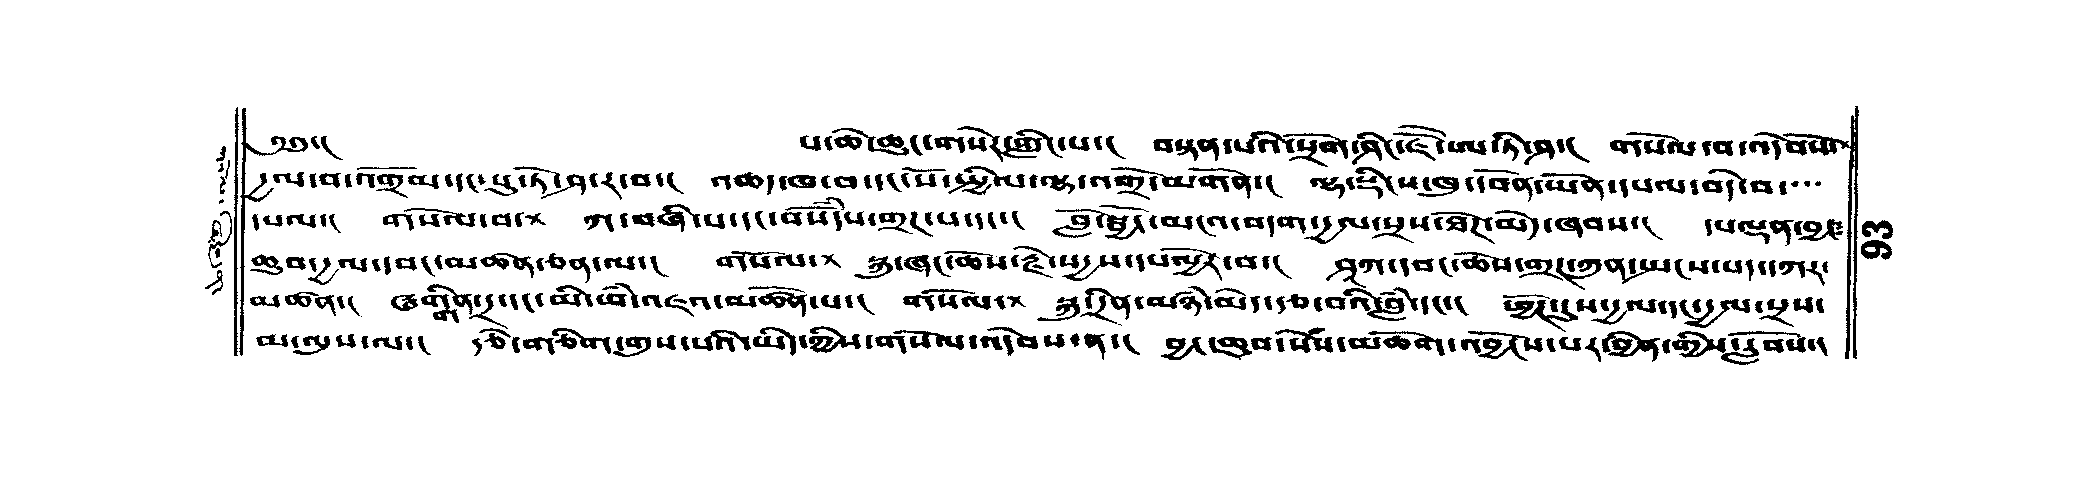པ་ཆེ་ཆུང་གསེར་གླིང་པ། །བསྟན་པའི་སྲོག་ཤིང་ཇོ་བོ་ཨ་ཏི་ཤ། གསོལ་བ་འདེབས་སོ༴ །
རྒྱལ་བ་འབྲོམ་དང་པུ་ཏོ་ཤ་ར་བ། །འཆད་ཁ་བ་དང་པོ་སྤྱི་ལྷ་འགྲོ་མགོན། །ལྷ་སྡིངས་ཁུ་དབོན་ཡོན་དཔལ་བདེ་བ་
དཔལ། །གསོལ་བ༴ །ཀ་བཞི་པ་དང་བསོད་ནམས་གྲགས་པ་དང་། །བློ་སྦྱོང་མངའ་བདག་རྒྱལ་སྲས་ཐོགས་མེད་ཞབས། །དཔལ་ལྡན་བྱང་
ཆུབ་རྒྱལ་དབང་མཚན་ཅན་ལ། །གསོལ༴ །སྐུ་ཞང་ཆོས་རྗེ་སངས་རྒྱས་དཔལ་འབྱོར་བ། །ཤཱཀ་དབང་ཆོས་གྲགས་ཀུན་སྤངས་པད་དཀར་
མཚན། །ཝ་གིནྡྲ་དང་མི་ཕམ་འཇའ་མཚོན་པ། །གསོལ༴ །སྐུ་དྲིན་མཉམ་མེད་རྩ་བའི་བླ་མ་དང་། །ཕྱོགས་དུས་རྒྱལ་དང་སྲས་
མ་ལུས་ལ། །རྩེ་གཅིག་གུས་པའི་ཡིད་ཀྱིས་གསོལ་འདེབས་ན། །བྱང་ཆུབ་སེམས་མཆོག་འབྱོངས་པར་བྱིན་གྱིས་རློབས།